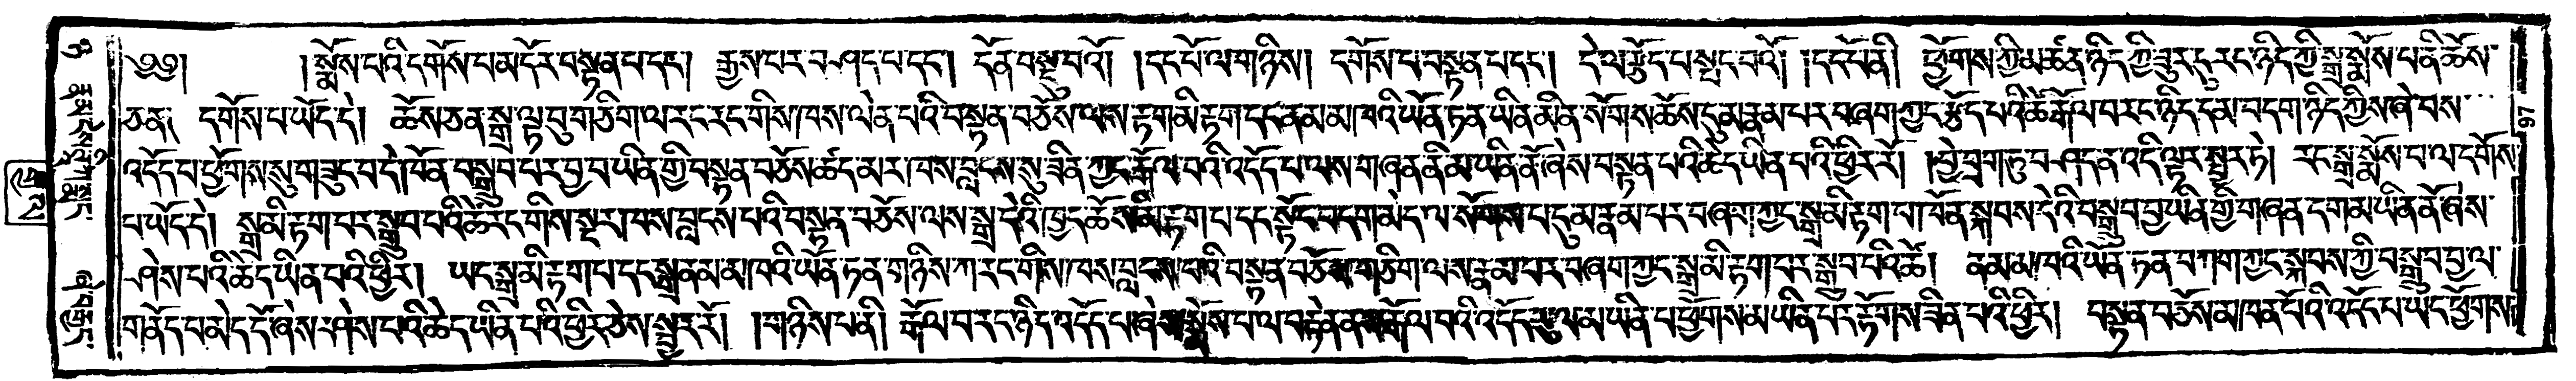༄༅། །སྨོས་པའི་དགོས་པ་མདོར་བསྟན་པ་དང་། རྒྱས་པར་བཤད་པ་དང་། དོན་བསྡུ་བའོ། །དང་པོ་ལ་གཉིས། དགོས་པ་བསྟན་པ་དང་། དེ་ལ་རྩོད་པ་སྤང་བའོ། །དང་པོ་ནི། ཕྱོགས་ཀྱི་མཚན་ཉིད་ཀྱི་ཟུང་དུ་རང་ཉིད་ཀྱི་སྒྲ་སྨོས་པ་ནི་ཆོས་
ཅན༑ དགོས་པ་ཡོད་དེ། ཆོས་ཅན་སྒྲ་ལྟ་བུ་གཅིག་ལ་རང་རང་གིས་ཁས་ལེན་པའི་བསྟན་བཅོས་ལས་རྟག་མི་རྟག་དང་ནམ་མཁའི་ཡོན་ཏན་ཡིན་མིན་སོགས་ཆོས་དུ་མ་རྣམ་པར་བཞག་ཀྱང་རྩོད་པའི་ཚེ་རྒོལ་བ་རང་ཉིད་དམ་བདག་ཉིད་ཀྱིས་ཞེ་བས་
འདོད་པ་ཕྱོགས་སུ་གཟུང་བ་དེ་ཁོ་ན་བསྒྲུབ་པར་བྱ་བ་ཡིན་གྱི་བསྟན་བཅོས་ཚད་མར་ཁས་བླངས་སུ་ཟིན་ཀྱང་རྒོལ་བའི་འདོད་པ་ལས་གཞན་ནི་མ་ཡིན་ནོ་ཞེས་བསྟན་པའི་ཆེད་ཡིན་པའི་ཕྱིར་རོ། །བྱེ་བྲག་ཏུ་བཤད་ན་འདི་ལྟར་སྦྱར་ཏེ། རང་སྒྲ་སྨོས་པ་ལ་དགོས་
པ་ཡོད་དེ། སྒྲ་མི་རྟག་པར་སྒྲུབ་པའི་ཚེ་རང་གིས་སྔར་ཁས་བླངས་པའི་བསྟན་བཅོས་ལས་སྒྲ་དེའི་ཁྱད་ཆོས་མི་རྟག་པ་དང་སྟོང་བདག་མེད་ལ་སོགས་པ་དུ་མ་རྣམ་པར་བཞག་ཀྱང་སྒྲ་མི་རྟག་པ་ཁོ་ན་སྐབས་དེའི་བསྒྲུབ་བྱ་ཡིན་གྱི་གཞན་དག་མ་ཡིན་ནོ་ཞེས་
ཤེས་པའི་ཆེད་ཡིན་པའི་ཕྱིར། ཡང་སྒྲ་མི་རྟག་པ་དང་སྒྲ་ནམ་མཁའི་ཡོན་ཏན་གཉིས་ཀ་རང་གིས་ཁས་བླངས་པའི་བསྟན་བཅོས་གཅིག་ལས་རྣམ་པར་བཞག་ཀྱང་སྒྲ་མི་རྟག་པར་སྒྲུབ་པའི་ཚེ། ནམ་མཁའི་ཡོན་ཏན་བཀག་ཀྱང་སྐབས་ཀྱི་བསྒྲུབ་བྱ་ལ་
གནོད་པ་མེད་དོ་ཞེས་ཤེས་པའི་ཆེད་ཡིན་པའི་ཕྱིར་ཅེས་སྦྱར་རོ། །གཉིས་པ་ནི། རྒོལ་བ་རང་ཉིད་འདོད་པ་ཞེས་སྨོས་པ་ལ་བརྟེན་ནས་རྒོལ་བའི་འདོད་ཡུལ་མ་ཡིན་པ་ཕྱོགས་མ་ཡིན་པར་རྟོགས་ཟིན་པའི་ཕྱིར། བསྟན་བཅོས་མཁན་པོའི་འདོད་པ་ཡང་ཕྱོགས་